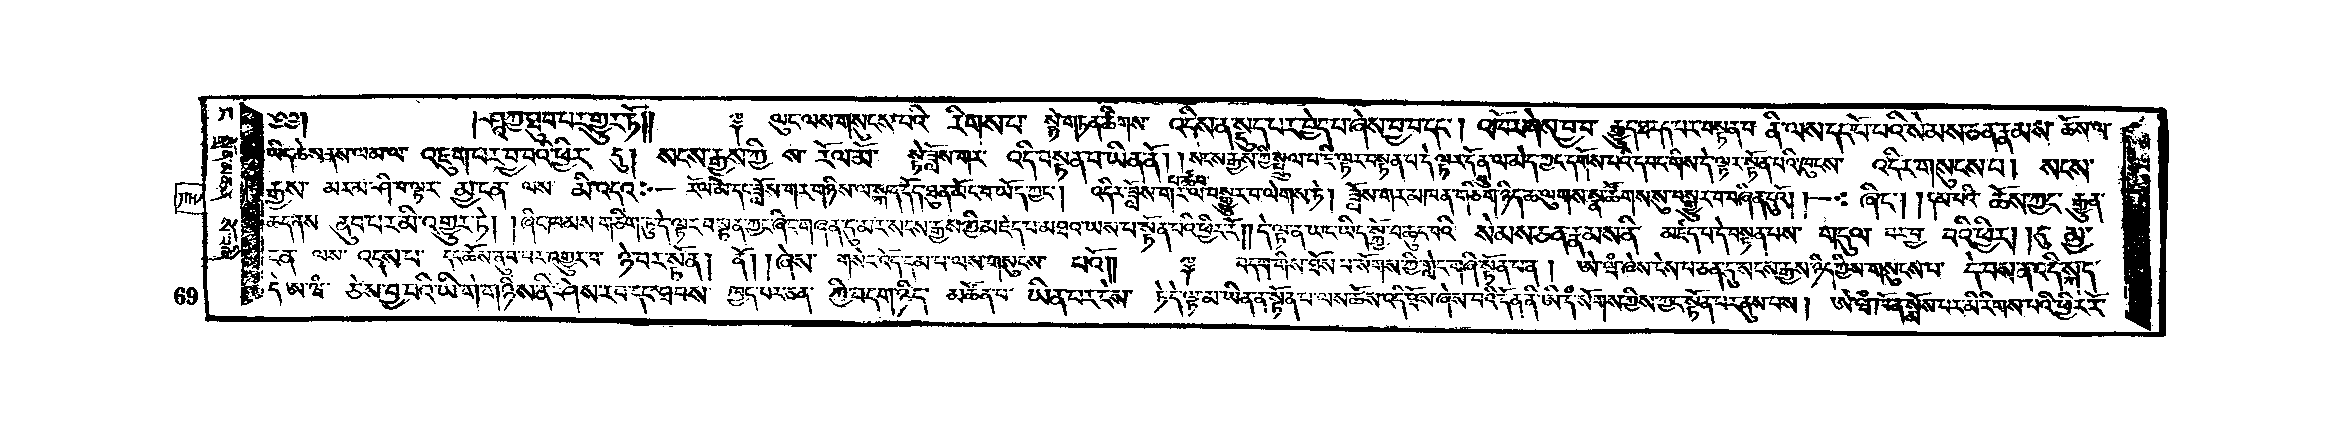༄༅། །ཤཱཀྱ་ཐུབ་པར་གྱུར་ཏོ།། ༈ ལུང་ལས་གསུངས་པའི་རིགས་པ་སྟེ་གཏན་ཚིགས་འདིས་ན་སྡུད་པར་བྱེད་པ་ཞེས་བྱ་བ་དང་། འཁོར་ཞེས་བྱ་བ་རྒྱུད་ཐ་དད་པར་བསྟན་པ་ནི་ལས་དང་པོ་པའི་སེམས་ཅན་རྣམས་ཆོས་ལ་
ཡིད་ཆེས་ནས་ལམ་ལ་འཇུག་པར་བྱ་བའི་ཕྱིར་དུ། སངས་རྒྱས་ཀྱི་ས་རོལ་མོ་སྟེ་ཟློས་གར་འདི་བསྟན་པ་ཡིན་ནོ། །སངས་རྒྱས་ཀྱི་སྤྲུལ་པ་ཇི་ལྟར་བསྟན་པ་དེ་ལྟར་དོན་ལ་མེད་ཀྱང་དགོས་པའི་དབང་གིས་དེ་ལྟར་སྟོན་པའི་ཁུངས་འདིར་གསུངས་པ། སངས་
རྒྱས་མར་མེ་ཤི་བ་ལྟར་མྱ་ངན་ལས་མི་འདའཿ་རོལ་མོ་དང་བློས་གར་གཉིས་ལ་སྐེད་དོད་ཐུན་མོང་བ་ཡོད་ཀྱང་། འདིར་ཟློས་གར་ལ་བསྒྱུར་བ་ལེགས་ཏེ། ཟློས་གར་མཁན་གཅིག་ཉིད་ཆ་ལུགས་སྣ་ཚོགས་སུ་བསྒྱུར་བ་བཞིན་དུའོ། །.Hཞིང་། །དམ་པའི་ཆོས་ཀྱང་རྒྱུན་
ཆད་ནས་ནུབ་པར་མི་འགྱུར་ཏེ། །ཞིང་ཁམས་གཅིག་ཏུ་དེ་ལྟར་བསྟན་ཀྱང་ཞིང་གཞན་དུ་མར་སངས་རྒྱས་ཀྱི་མཛད་པ་མཐའ་ཡས་པ་སྟོན་པའི་ཕྱིར་རོ། །དེ་ལྟ་ན་ཡང་ཡིད་སྐྱོ་བ་ཆུང་བའི་སེམས་ཅན་རྣམས་ནི་མཛད་པ་དེ་བསྟན་པས་གདུལ་བར་བྱ་བའི་ཕྱིར། །དུ་མྱ་
ངན་ལས་འདས་པ་དང་ཆོས་ནུབ་པར་འགྱུར་བ་ཉེ་བར་སྟོན། ནོ། །ཞེས་གསེར་འོད་དམ་པ་ལས་གསུངས་པའོ།། ༈ བདག་གིས་ཐོས་པ་སོགས་ཀྱི་གླེང་གཞི་སྟོན་པ་ན། ཨེ་ཝཾ་ཞེས་ངེས་པ་ཅན་དུ་སངས་རྒྱས་ཉིད་ཀྱིས་གསུངས་པ་དེ་བས་ན་འདི་སྐད་
དེ་ཨེ་ཝཾ་ཅེས་བྱ་བའི་ཡི་གེ་གཉིས་ནི་ཤེས་རབ་དང་ཐབས་ཁྱད་པར་ཅན་ཀྱི་བདག་ཉིད་མཚོན་པ་ཡིན་པར་ངེས་ཏེ་དེ་ལྟ་མ་ཡིན་ན་སྟོན་པ་ལས་ཆོས་འདི་ཐོས་ཞེས་པའི་དོན་ནི་ཨི་དཾ་སོགས་ཀྱིས་ཀྱང་སྟོན་པར་ནུས་པས། ཨེ་ཝཾ་ཁོ་ན་སྨོས་པར་མི་རིགས་པའི་ཕྱིར་རོ་